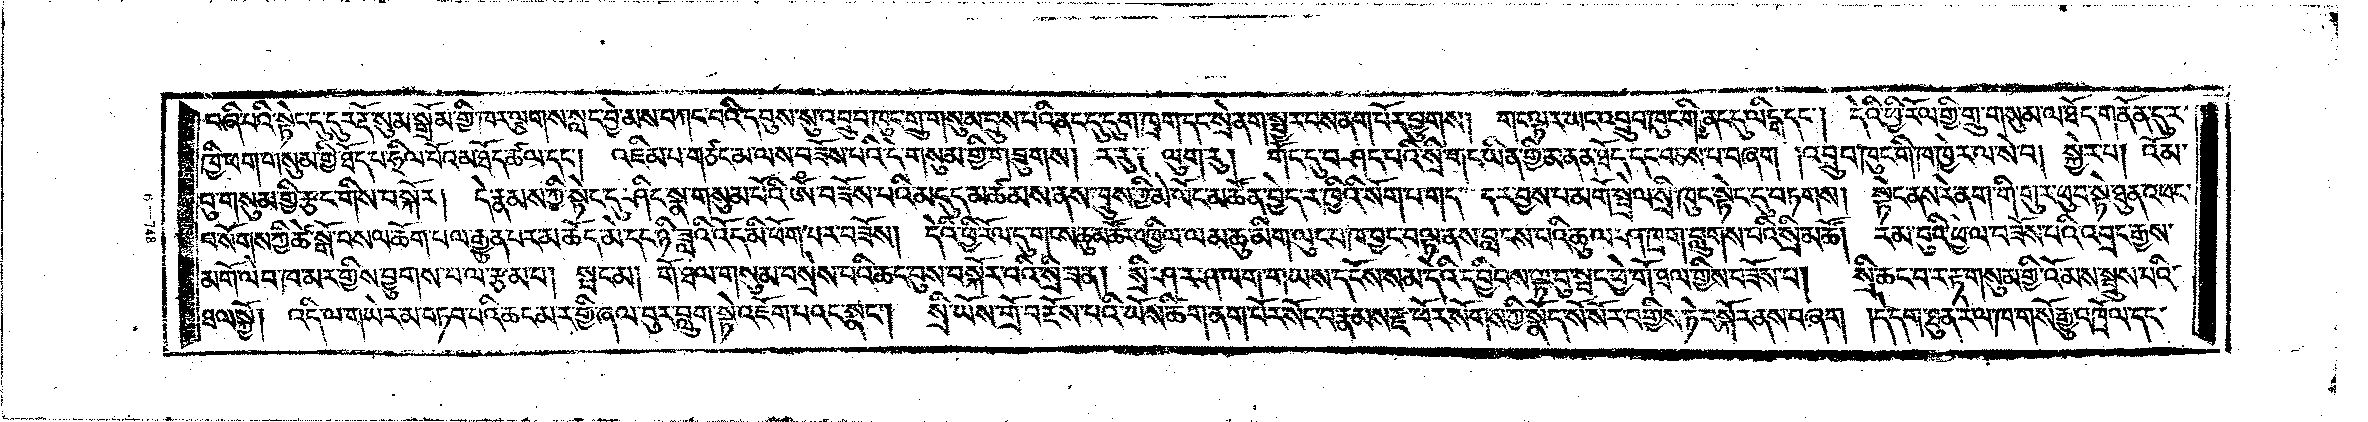བཞི་པའི་སྟེང་དུ་དུར་རྡོ་སུམ་སྒྲོམ་གྱི་ཁར་ལྕགས་སླང་བྱེ་མས་བཀང་བའི་དབུས་སུ་འབྲུབ་ཁུང་གྲུ་གསུམ་བྲུས་པའི་ནང་དུ་དུག་ཁྲག་དང་སྲེ་ནག་སྦྱར་བས་ནག་པོར་བྱུགས། གང་ལྟར་ཡང་འབྲུབ་ཁུང་གི་ནང་དུ་ལིངྒ་དང་། དེའི་ཕྱི་རོལ་གྱི་གྲུ་གསུམ་ལ་ཐོད་གནོན་དུར་
ཁྱི་ཕག་གསུམ་གྱི་ཐོད་པ་ཧྲིལ་པོའམ་ཐོད་ཚལ་དང་། འཇིམ་པ་གཙང་མ་ལས་བཟོས་པའི་དེ་གསུམ་གྱི་གཟུགས། ར་རུ༑ ལུག་རུ། གོང་དུ་བཤད་པའི་སྲི་གང་ཡིན་གྱི་མནན་ཐོད་དང་བཅས་པ་བཞག །འབྲུབ་ཁུང་གི་ཁ་ཁྱེར་ལ་སེ་བ། སྐྱེར་པ། འོམ་
བུ་གསུམ་གྱི་རྩང་གིས་བསྐོར། དེ་རྣམས་ཀྱི་སྟེང་དུ་ཤིང་སྣ་གསུམ་པོའི་ཨོཾ་བཟོས་པའི་མདུད་མཚམས་ནས་ཁྲུས་ཀྱི་མེ་ལོངས་མཚོན་བྱེད་ར་ཁྱིའི་སོག་པ་གད་དར་བྱས་པ་མགོ་སྤྲེལ་སྲི་ཁུང་སྟེང་དུ་བཏགས། སྟེང་ནས་རེ་ནག་གི་གུར་ཕུབ་སྟེ་ཐུན་འཕང་
བ་སོགས་ཀྱི་ཚེ་སྒོ་བསལ་ཆོག་པ་ལ་རྒྱུན་པར་མཆོད་མེ་དང་ཉི་ཟླའི་འོད་མི་ཕོག་པར་བཟོས། དེའི་ཕྱི་རོལ་དུ་གངས་ཆུ་མཚོར་འཁྱིལ་ལམ་ཆུ་མིག་ལུང་བ་ཁ་བྱང་བལྟ་ནས་བླངས་པའི་ཆུ་ལ་ཤ་ཁྲག་བླུགས་པའི་སྲི་མཚོ། རམ་བུའི་ཕྱེ་ལ་བཟོས་པའི་འབྲང་རྒྱས་
མགོ་ལེབ་ཁ་མར་གྱིས་བྱུགས་པ་ལ་རྩམ་པ། སྤང་མ། གོ་ཐལ་གསུམ་བསྲེས་པའི་ཆང་བུས་བསྐོར་བའི་སྲི་ཟན། སྲི་ཤར་ཤ་ལག་གཡས་དངོས་སམ་དེའི་དབྱིབས་ལྟ་བུ་སྤང་ཕྱེ་གོ་ཐལ་གྱིས་བཟོས་པ། སྲི་ཆང་བར་རྟ་གསུམ་གྱི་འོ་མས་སྤྲུས་པའི་
ཐལ་སྐྱོ། འདི་ལ་གཡེར་མ་བཏབ་པའི་ཆང་མར་གྱི་ཞལ་བུར་བླུག་སྟེ་འཇོག་པའང་སྣང་། སྲི་ཡོས་གྲོ་བརྔོས་པའི་ཡོས་ཚིག་ནག་པོར་སོང་བ་རྣམས་རྫ་ཕོར་སོགས་ཀྱི་སྣོད་སོ་སོར་བགྱིས་ཏེ་བསྐོར་ནས་བཞག །དེ་དག་ཐུན་རེལ་ཁ་གསོ་རྒྱུ་འཁྲོལ་དང་